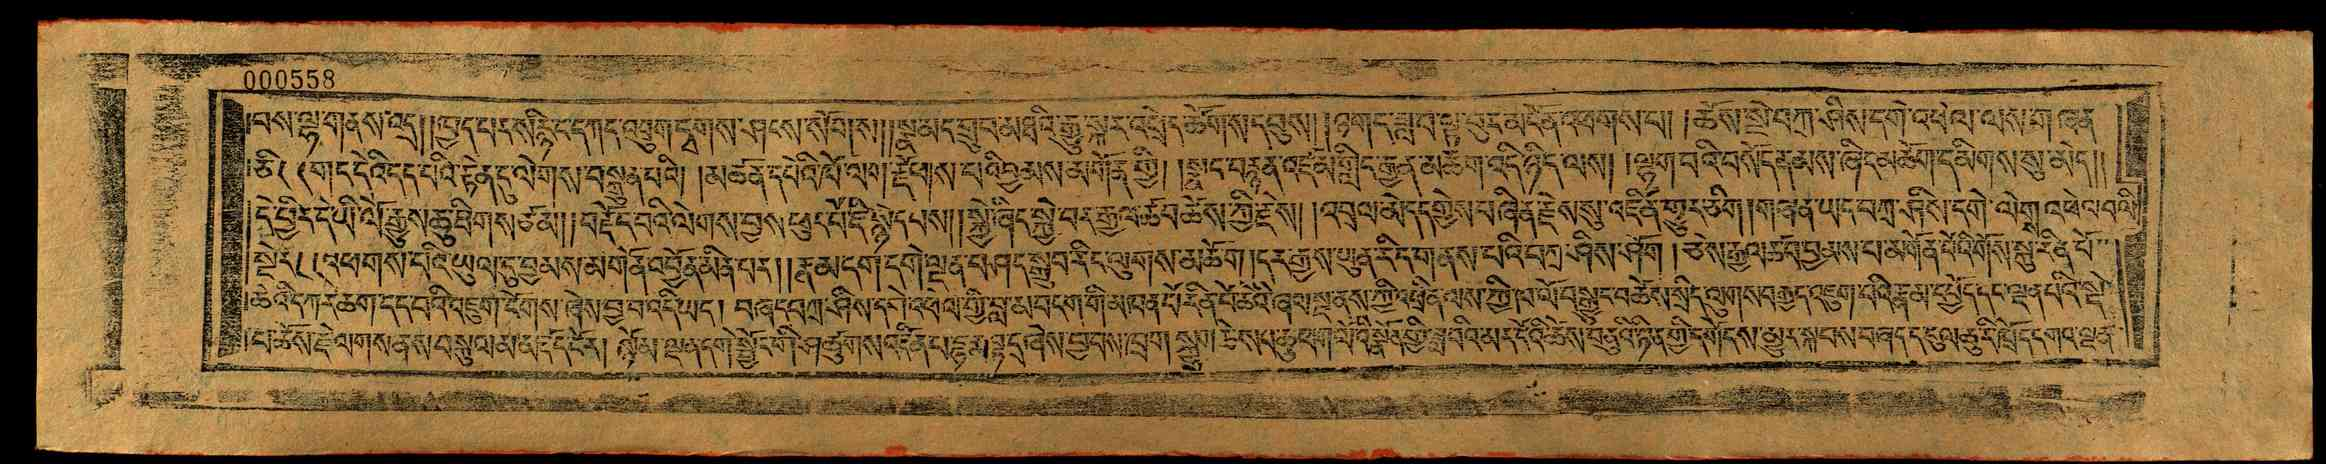བས་ལྷ་གནས་འདྲ། །ཁྱད་པར་ས་རྙིང་དཀར་འབྲུག་དྭགས་ཤངས་སོགས། །སྣ་མང་གྲུབ་མཐའི་རྒྱུ་སྐར་འཕྲེང་ཚོགས་དབུས། །ཉ་གང་ཟླ་བ་ལྟ་བུར་མངོན་འཕགས་པ། །ཆོས་སྡེ་བཀྲ་ཤིས་དགེ་འཕེལ་ལས་གཞན་
ཅི༑ ༑གང་དེའི་དད་པའི་རྟེན་དུ་ལེགས་བསྐྲུན་པའི། །མཚན་དཔེའི་ཁོ་ལག་རྫོགས་པའི་བྱམས་མགོན་གྱི། །སྣང་བརྙན་འཛམ་གླིང་རྒྱན་མཆོག་འདི་ཉིད་ལས། །ལྷག་པའི་བསོད་ནམས་ཞིང་མཆོག་དམིགས་སུ་མེད། །
དེ་ཕྱིར་དེ་ཡི་ལོ་རྒྱུས་ཆུ་ཐིགས་ཙམ། །བརྗོད་པའི་ལེགས་བྱས་ཕུང་པོ་ཇི་སྙེད་པས། །སྐྱེ་ཞིང་སྐྱེ་བར་རྒྱལ་ཚབ་ཆོས་ཀྱིས་རྗེས། །འབྲལ་མེད་དགྱེས་བཞིན་རྗེས་སུ་འཛིན་གྱུར་ཅིག །གཞན་ཡང་བཀྲ་ཤིས་དགེ་ལེགས་འཕེལ་བའི་
སྡེར༑ ༑འཕགས་པའི་ཡུལ་དུ་བྱམས་མགོན་འབྱོན་མིན་པར། །རྣམ་དག་དགེ་ལྡན་བཤད་སྒྲུབ་རིང་ལུགས་མཆོག །དར་རྒྱས་ཡུན་རིང་གནས་པའི་བཀྲ་ཤིས་ཤོག །ཅེས་རྒྱལ་ཚབ་བྱམས་པ་མགོན་པའི་གོས་སྐུ་རིན་པོ་
ཆེའི་དཀར་ཆག་དད་པའི་འཇུག་ངོགས་ཞེས་བྱ་བ་འདི་ཡང་། བཞད་བཀྲ་ཤིས་དགེ་འཕེལ་གྱི་བླ་མ་བདག་གི་མཁན་པོ་རིན་པོ་ཆེའི་ཞལ་སྔ་ནས་ཀྱི་འཕྲིན་ལས་ཀྱི་ཁ་ལོ་བསྒྱུར་བ་ཆོས་སྲིད་ལུགས་བརྒྱར་འཇུག་པའི་རྣམ་དཔྱོད་དང་ལྡན་པའི་སྡེ་
པ་ཆོས་རྗེ་ལགས་ནས་བསྐུལ་མ་མཛད་ངོར། སྙོམ་ལྡན་དགེ་སྦྱོང་གི་ཤ་ཚུགས་འཛིན་པ་དྷརྨ་བྷ་དྲ་ཞེས་བྱ་བས་ཁྲག་སྐྱུག་ཅེས་པ་ཆུ་ཕག་ལོའི་སྣྲོན་གྱི་ཟླ་བའི་མར་ངོའི་ཚེས་བཅུའི་ཉིན་གྱི་དགོངས་མྱུར་སྐབས་བཞད་དངུལ་ཆུ་རི་ཁྲོད་དགའ་ལྡན་